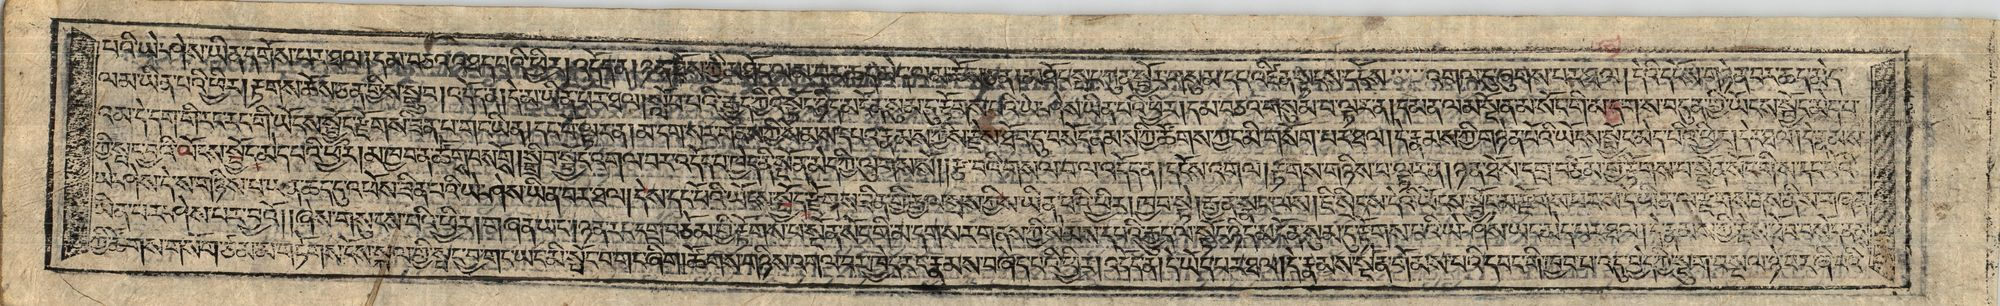པའི་ཡེ་ཤེས་ཡིན་དགོས་པར་ཐལ། དམ་བཅའ་འཐད་པའི་ཕྱིར། འདོད་ན། ཉན་ཐོས་ཀྱི་མཐོང་ལམ་བར་ཆད་མེད་ལམ་ཆོས་ཅན། མཐོང་སྤང་ཀུན་སྦྱོར་གསུམ་དང་འཛིན་སྟངས་དངོས་འགལ་དུ་ཞུགས་པར་ཐལ། དེའི་དངོས་གཉེན་བར་ཆད་མེད་
ལམ་ཡིན་པའི་ཕྱིར། རྟགས་ཆོས་ཅན་གྱིས་སྒྲུབ། འདོད་ན། དེ་མ་ཡིན་པར་ཐལ། སློབ་པའི་རྒྱུད་ཀྱི་སྟོང་ཉིད་མངོན་སུམ་དུ་རྟོགས་པའི་ཡེ་ཤེས་ཡིན་པའི་ཕྱིར། དམ་བཅའ་གསུམ་པ་ལྟར་ན། དམན་ལམ་སྔོན་མ་སོང་གི་མ་དག་ས་བདུན་གྱི་ཡོངས་སྤྱོད་མེད་པ་
འམ་དེ་དག་གི་རང་རང་གི་ཡོངས་སྤྱོད་རྫོགས་ཟིན་པ་གང་ཡིན། དང་པོ་ལྟར་ན། མ་དག་སར་གནས་ཀྱི་སེམས་དཔའ་རྣམས་ཀྱིས་རྗེས་ཐོབ་དུ་བསོད་ནམས་ཀྱི་ཚོགས་ཀྱང་མི་གསོག་པར་ཐལ། དེ་རྣམས་ཀྱི་གཉེན་པོའི་ཡོངས་སྤྱོད་མེད་པའི་ཕྱིར། དེར་ཐལ། དེ་རྣམས་
ཀྱི་སྤང་བྱའི་ཡོངས་སྤྱོད་མེད་པའི་ཕྱིར། མ་ཁྱབ་ན་ཚོགས་བས་གོས། སྒྲིབ་སྤྱོད་འགལ་བར་འདོད་པ་ཁྱེད་ནི་སྔོན་མེད་ཀྱི་ལུགས་སོ། །རྩ་བའི་གསལ་བ་ལ་འདོད་ན། དངོས་འགལ། རྟགས་གཉིས་པ་ལྟར་ན། ཉན་ཐོས་དགྲ་བཅོམ་གྱི་རྟོགས་པ་སྔོན་སོང་གིས་དང་པོའི་
ཡེ་ཤེས་དེ་ས་གཉིས་པ་ཡན་ཆད་དུ་འཕོས་ཟིན་པའི་ཡེ་ཤེས་ཡིན་པར་ཐལ། དེ་ས་དང་པོའི་ཡོངས་སྤྱོད་རྫོགས་ཟིན་གྱི་རྒྱལ་སྲས་ཀྱིས་ཡིན་པའི་ཕྱིར། ཁྱབ་སྟེ། རྒྱན་སྣང་ལས། ཇི་སྲིད་ས་དེའི་ཡོངས་སྤྱོད་མ་རྫོགས་པར་ས་དེ་ཡིན་ལ་རྫོགས་ནས་ནི་ས་གཞན་
ཡིན་པར་ཤེས་པར་བྱའོ། །ཞེས་གསུངས་པའི་ཕྱིར། གཞན་ཡང་། ཉན་རང་དགྲ་བཅོམ་གྱི་རྟོགས་པ་སྔོན་སོང་གི་མ་དག་སར་གནས་ཀྱི་སེམས་དཔའི་རྒྱུད་ལ་སྟོང་ཉིད་མངོན་སུམ་དུ་རྟོགས་པའི་ཡེ་ཤེས་ཡང་མེད་པར་ཐལ། དེ་རྣམས་ཀྱི་རྗེས་ཐོབ་བསོད་ནམས་
ཀྱི་ཚོགས་གསོག་ཙམ་མ་གཏོགས་ངོས་སྐལ་གྱི་སྤང་བྱ་གང་ཡང་མི་སྤོང་བ་གང་ཞིག །ཚོགས་གཉིས་འགལ་བར་ཁྱེད་རང་རྣམས་བཞེད་པའི་ཕྱིར། འདོད་ན། དེ་ཡོད་བར་ཐལ། དེ་རྣམས་སྔོན་གོམས་པའི་དབང་གི་ཁྱབ་པ་འདུ་བྱེད་ཀྱི་སྡུག་བསྔལ་ཉེ་བར་ཞི་བའི་